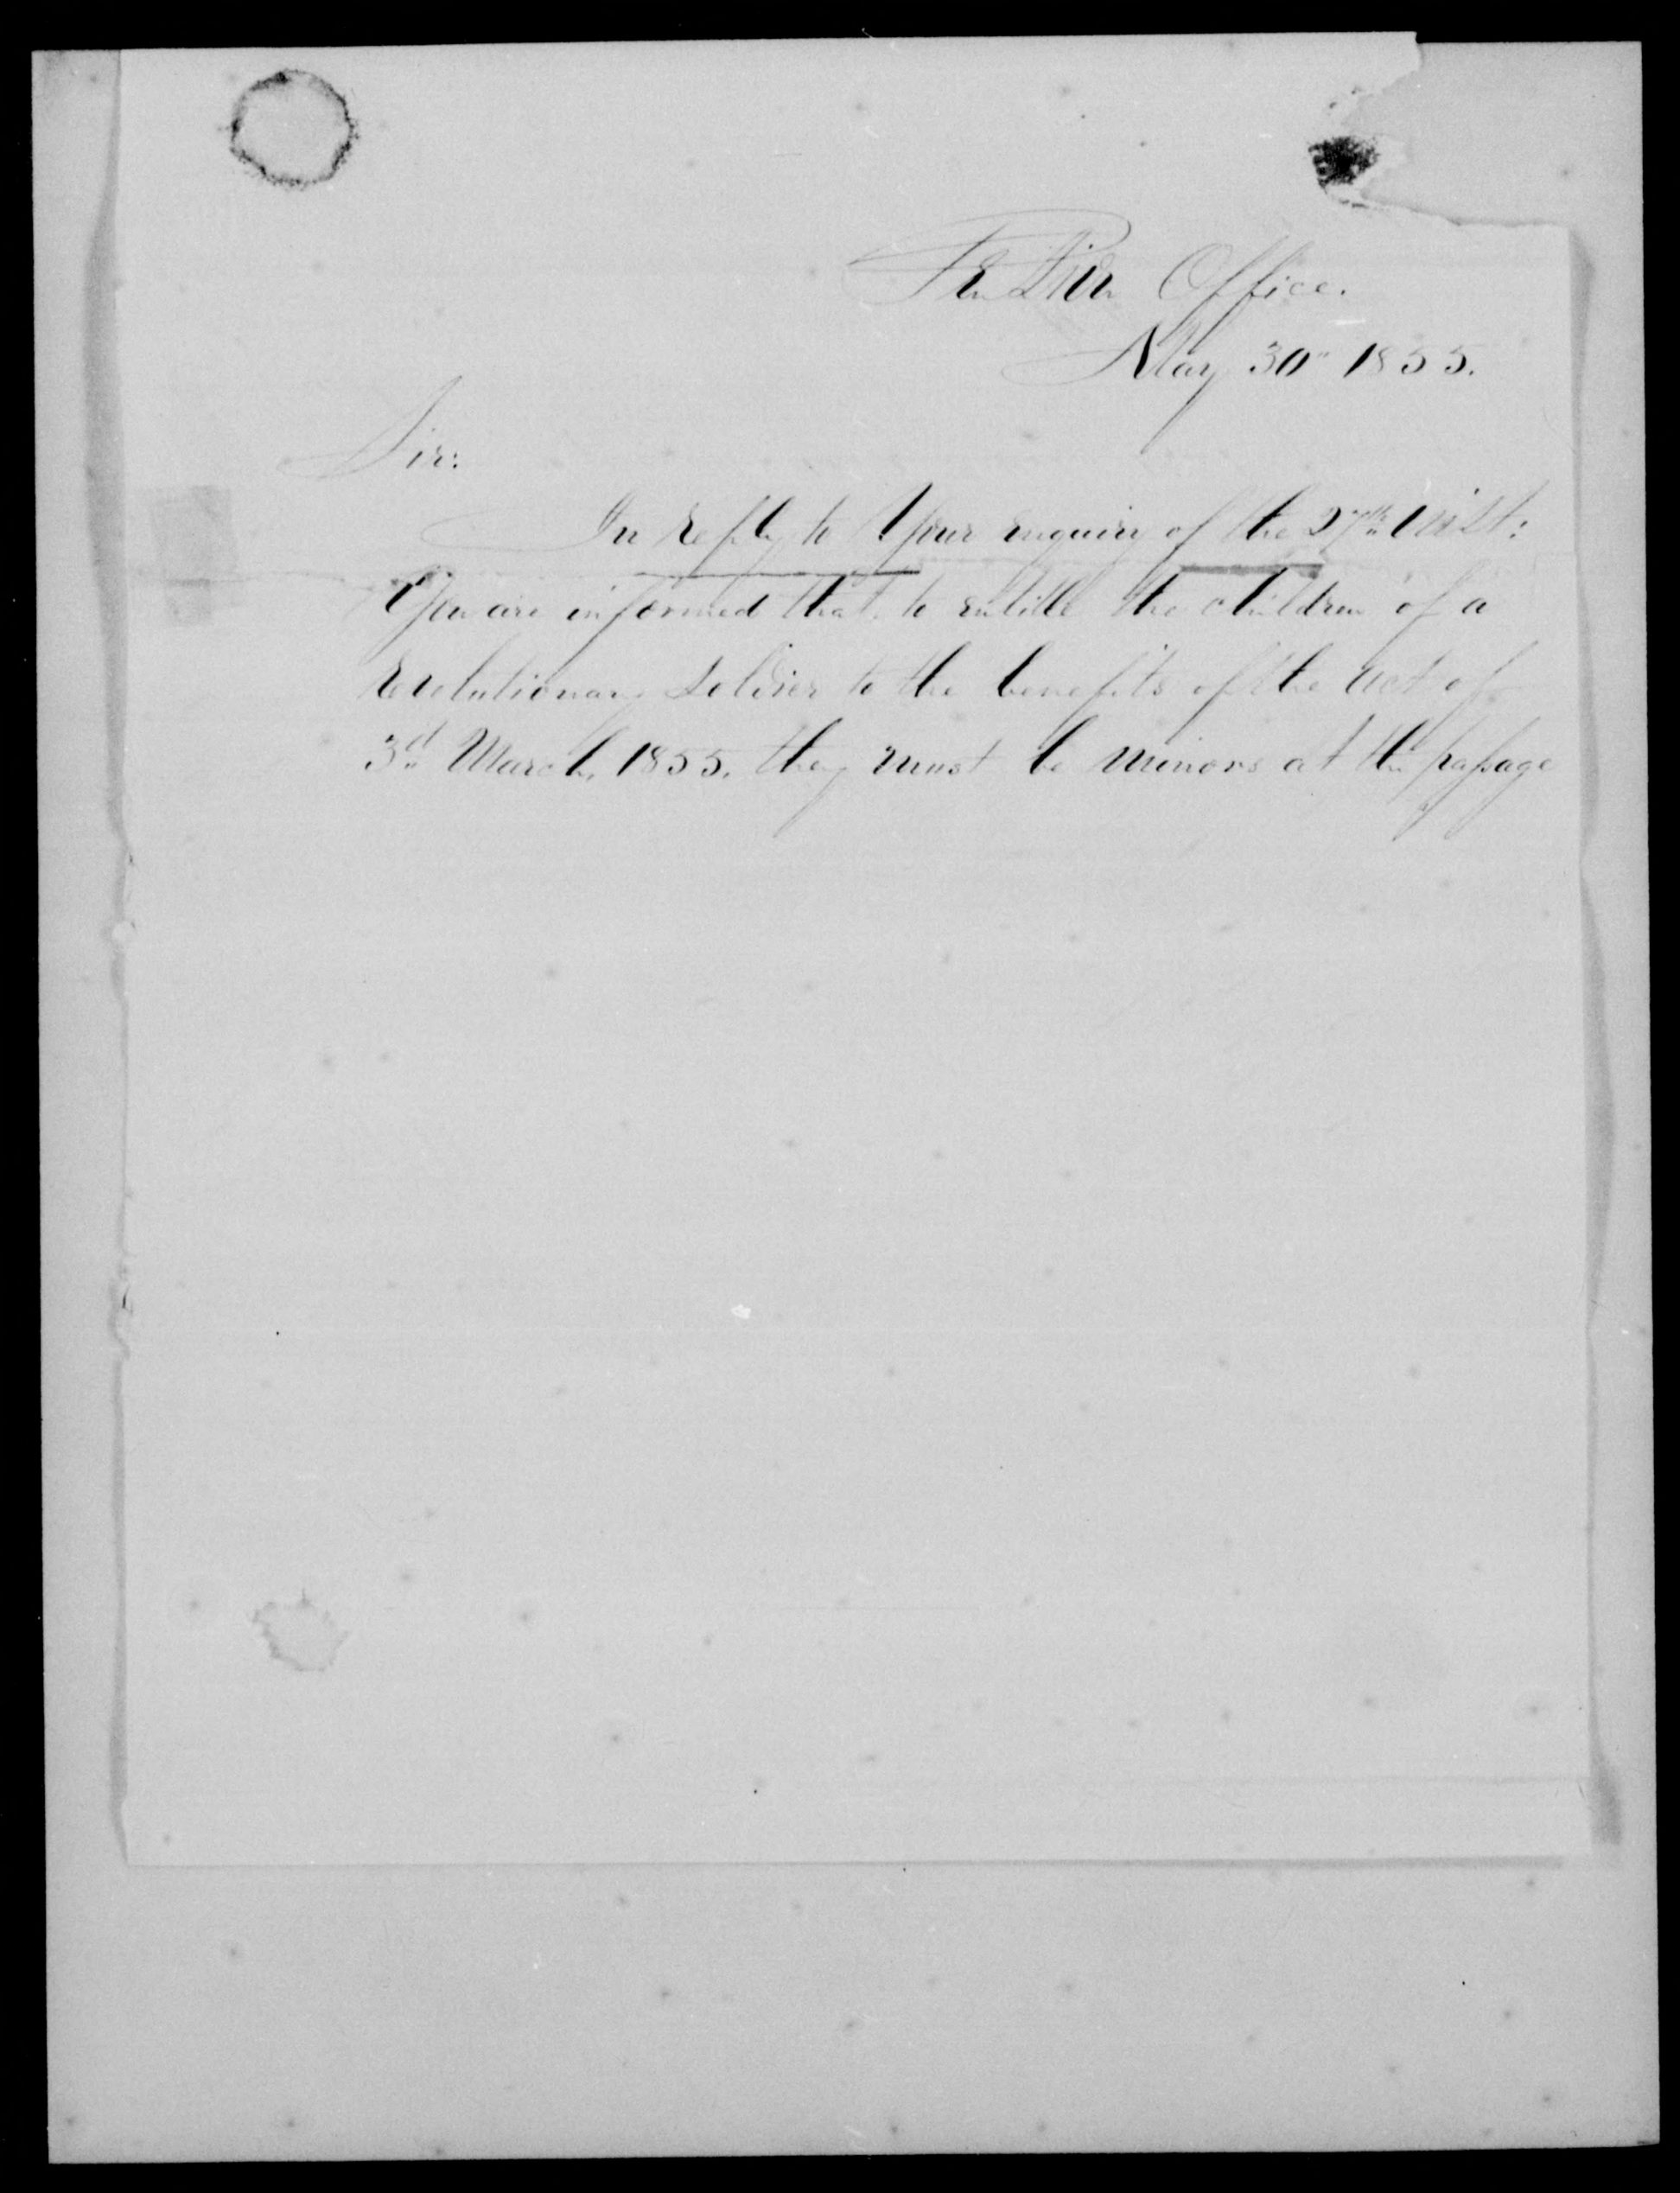Pension Office
May 30 1855
Sir:
In reply to your enquiry of the 27th last:
You are informed that to entitled the children of a Revolutionary Solider to the benefits of the Act of
3d March, 1855, they must be minors at the papage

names: [BLANK]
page: 13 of 65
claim: widow's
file: W. 7197, for Jonathan Spear, Vermont